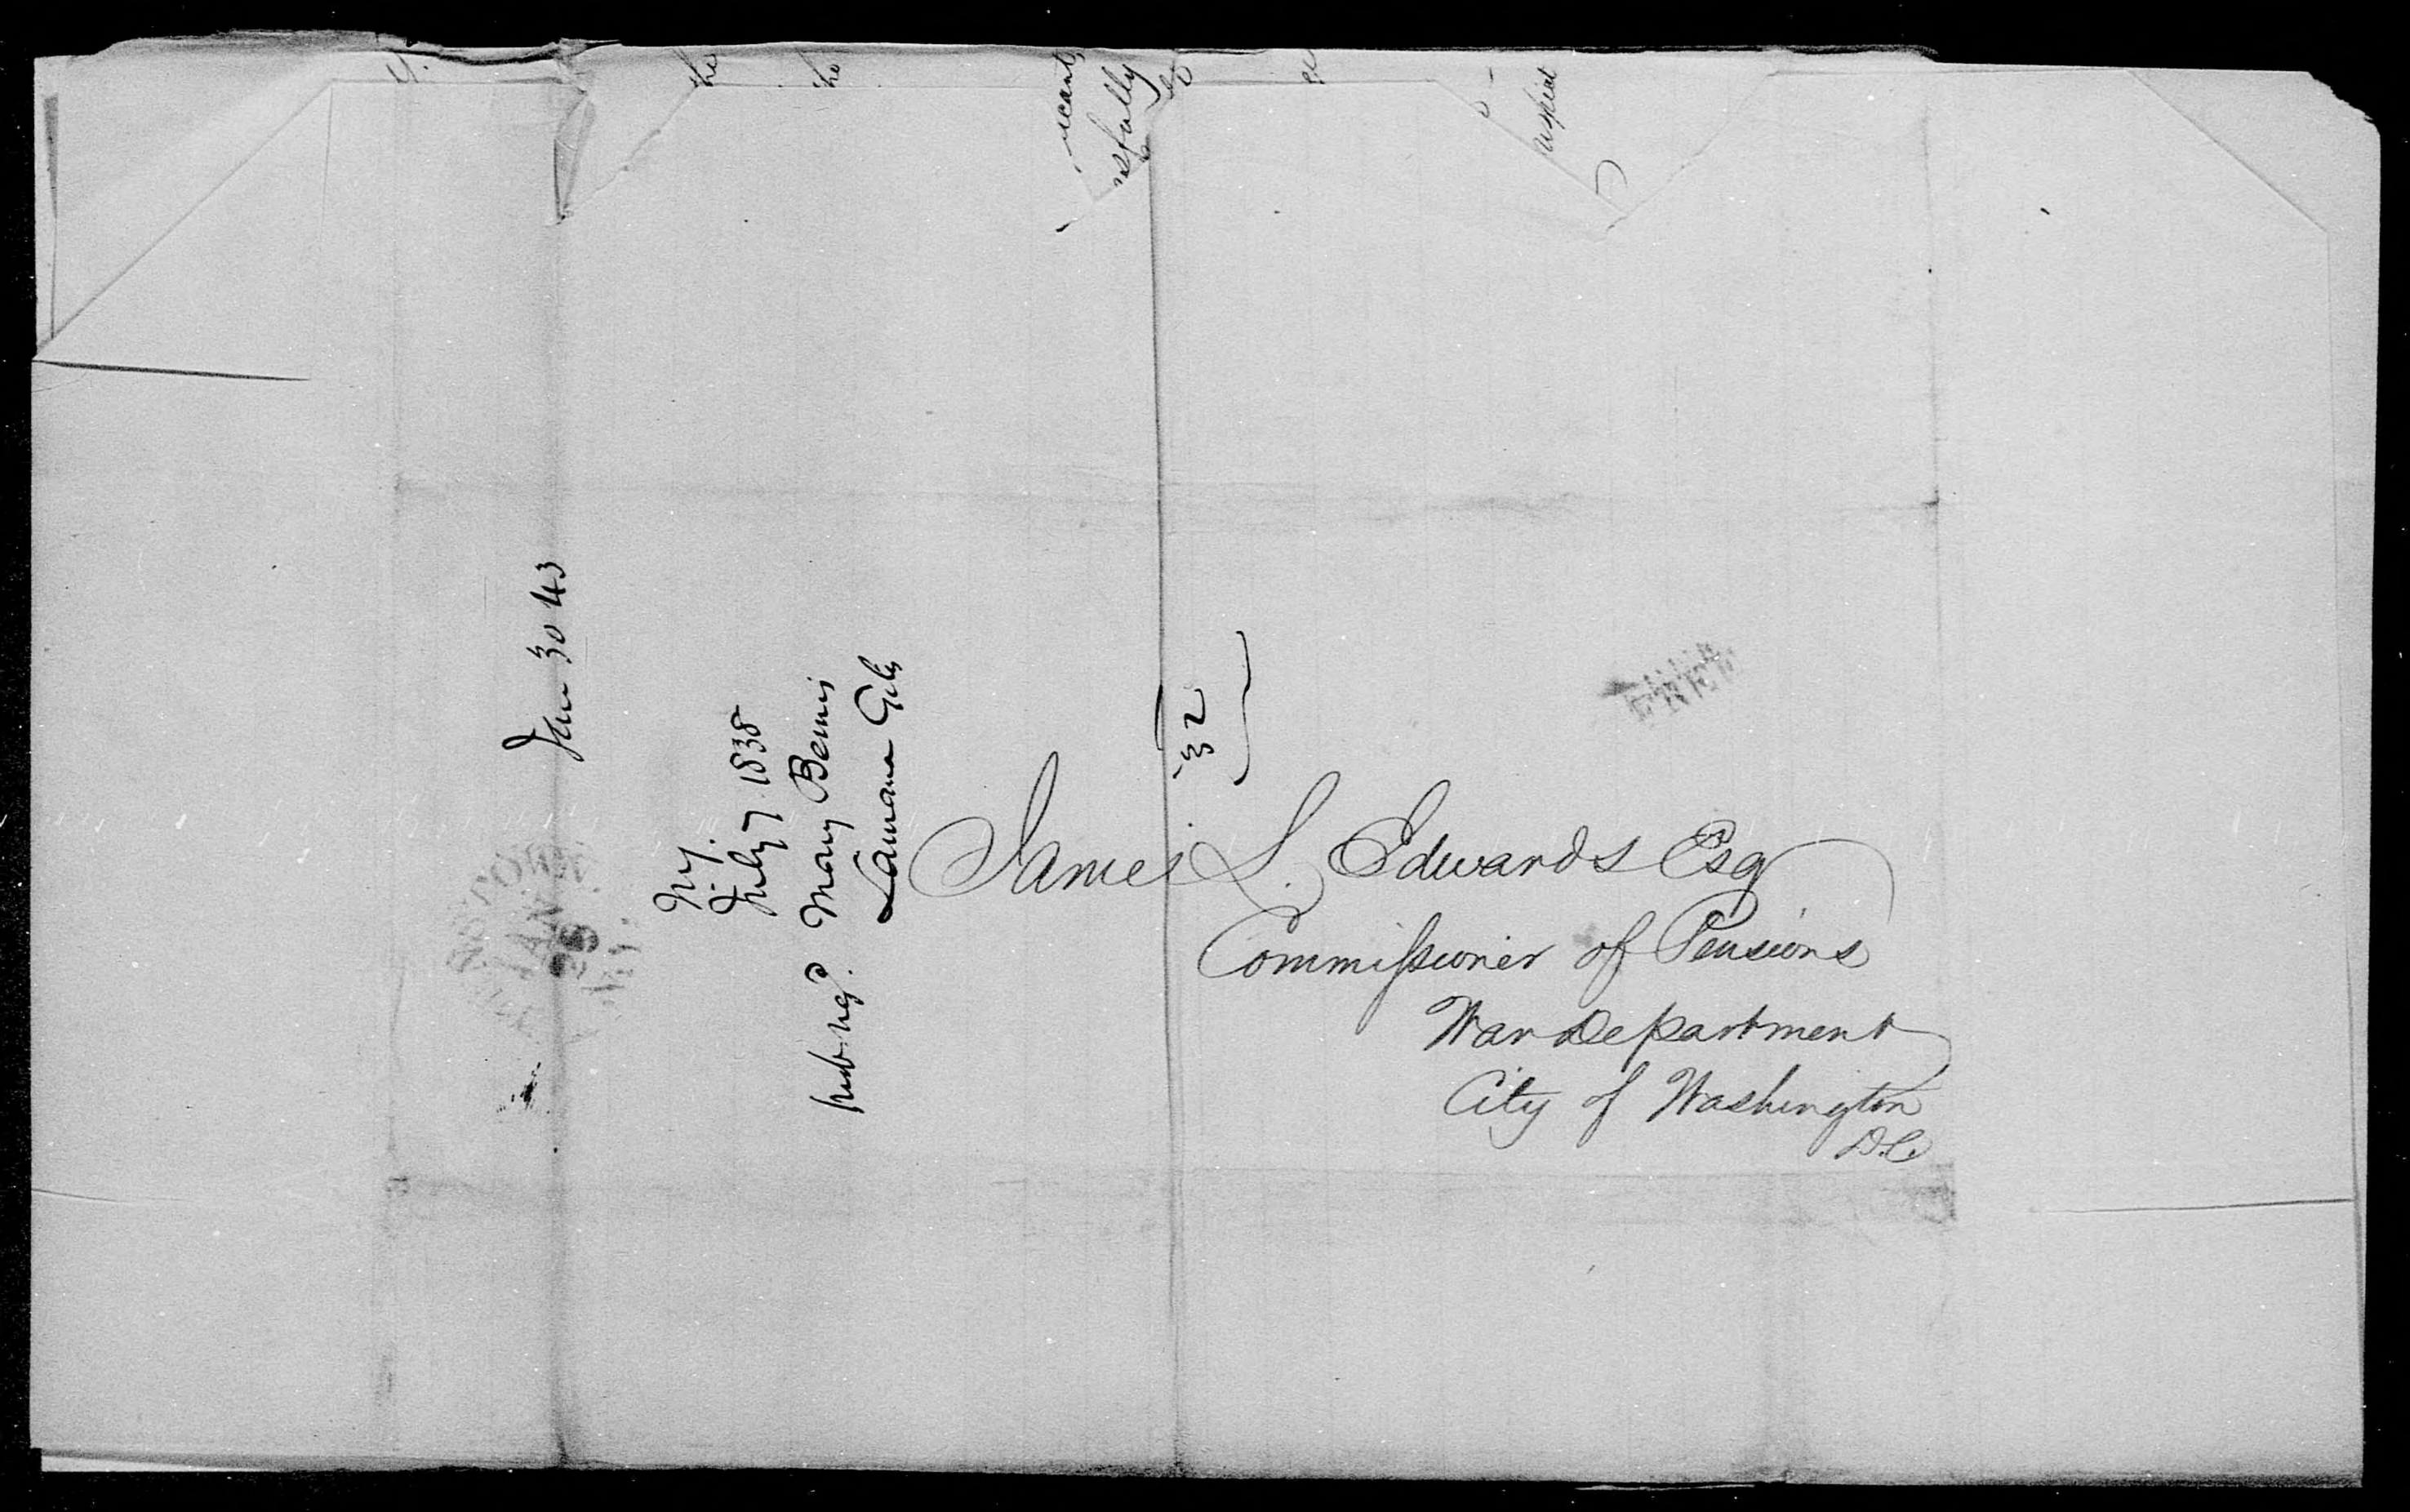June 30 43
Ny
July 7 1838
[illegible]
Mary Bemis
Laurana Giles
'32
James L Edwards Esq
Commissioner of Pensions
War Department
City of Washington D.C.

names: Mary Bemis, James L Edwards, Laurana Giles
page: 45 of 55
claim: widow's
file: W. 19503, Samuel Giles, Conti. Mass. New York